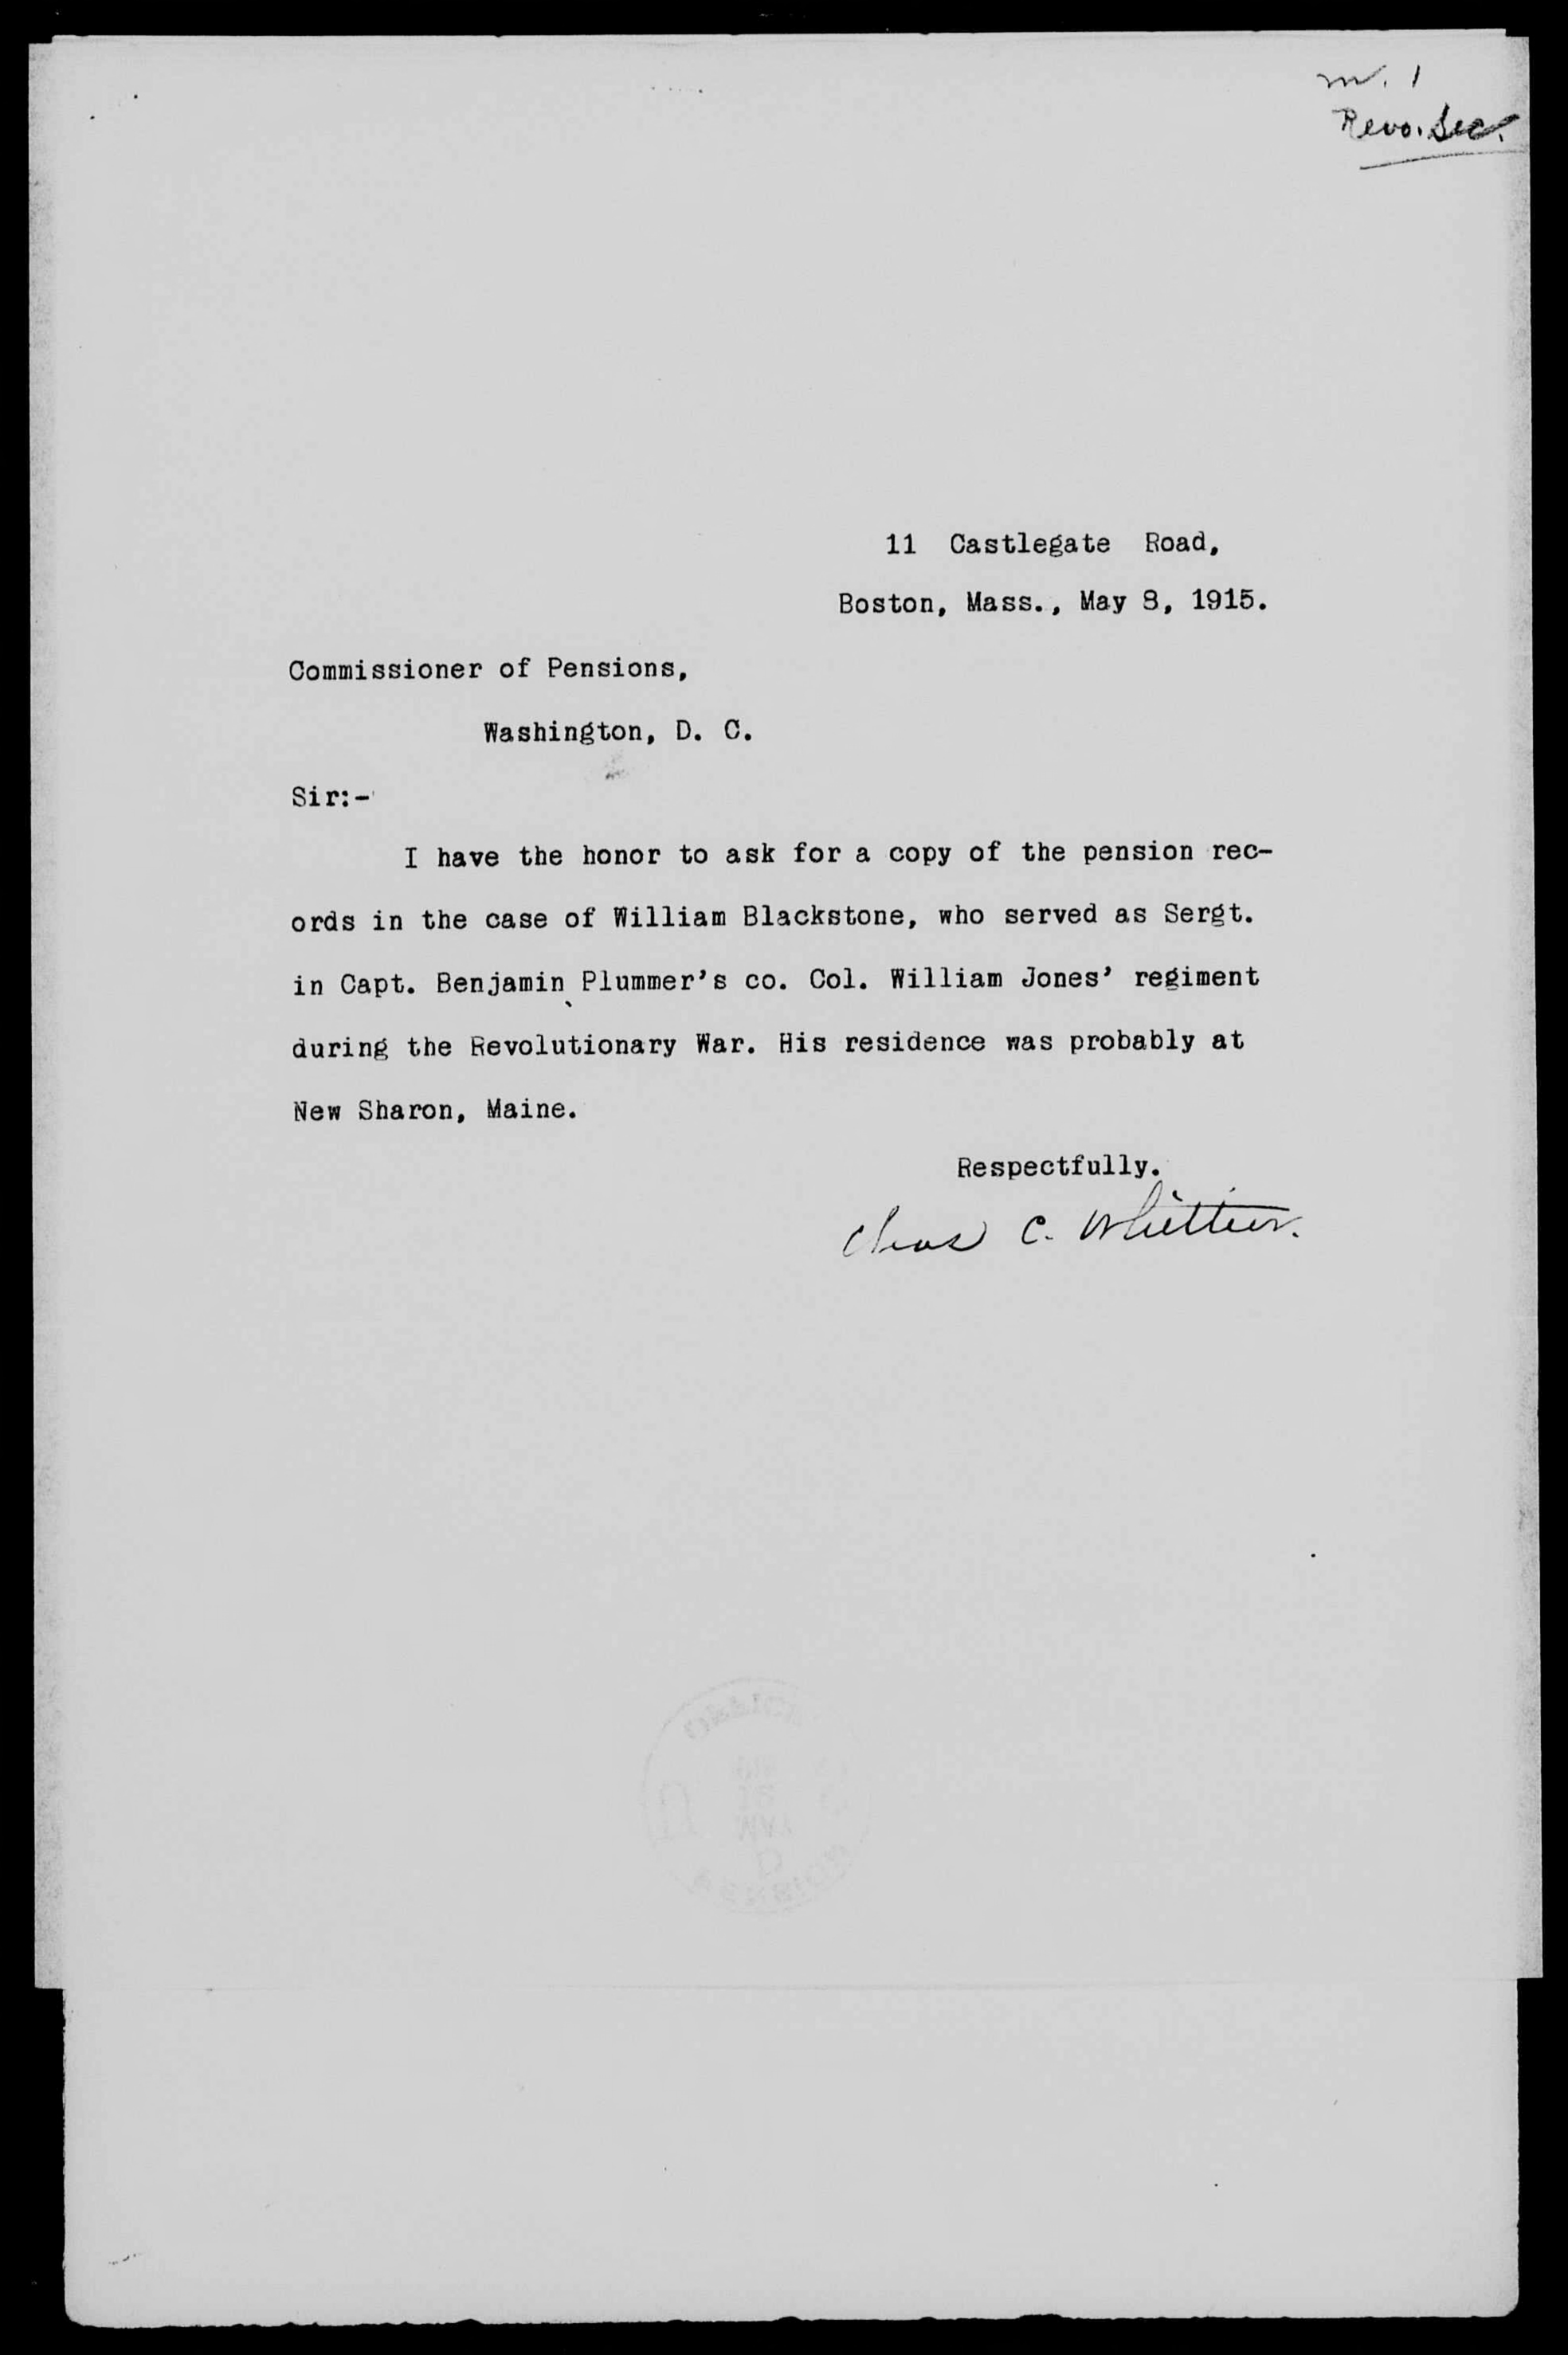[Upper left-hand corner]
W. 1
Evo. Sec.


11 Castlegate Road.
Boston. Mass., May 8, 1915.

Commissioner of Pensions,
Washington, D. C.

Sir: -

I have the honor to ask for a copy of the pension 
records in the case of William Backstone, who served as Sergt.
in Capt. Benjamin Plummer's co. Col. William Jones' regiment
during the Revolutionary War. His residence was probably at
New Sharon, Maine.

Respectfully.
Chas C. Whittier.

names: Chas C Whittier, William Blackstone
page: 10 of 14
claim: survivor's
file: S. 30,869, William Blackston, Mass.